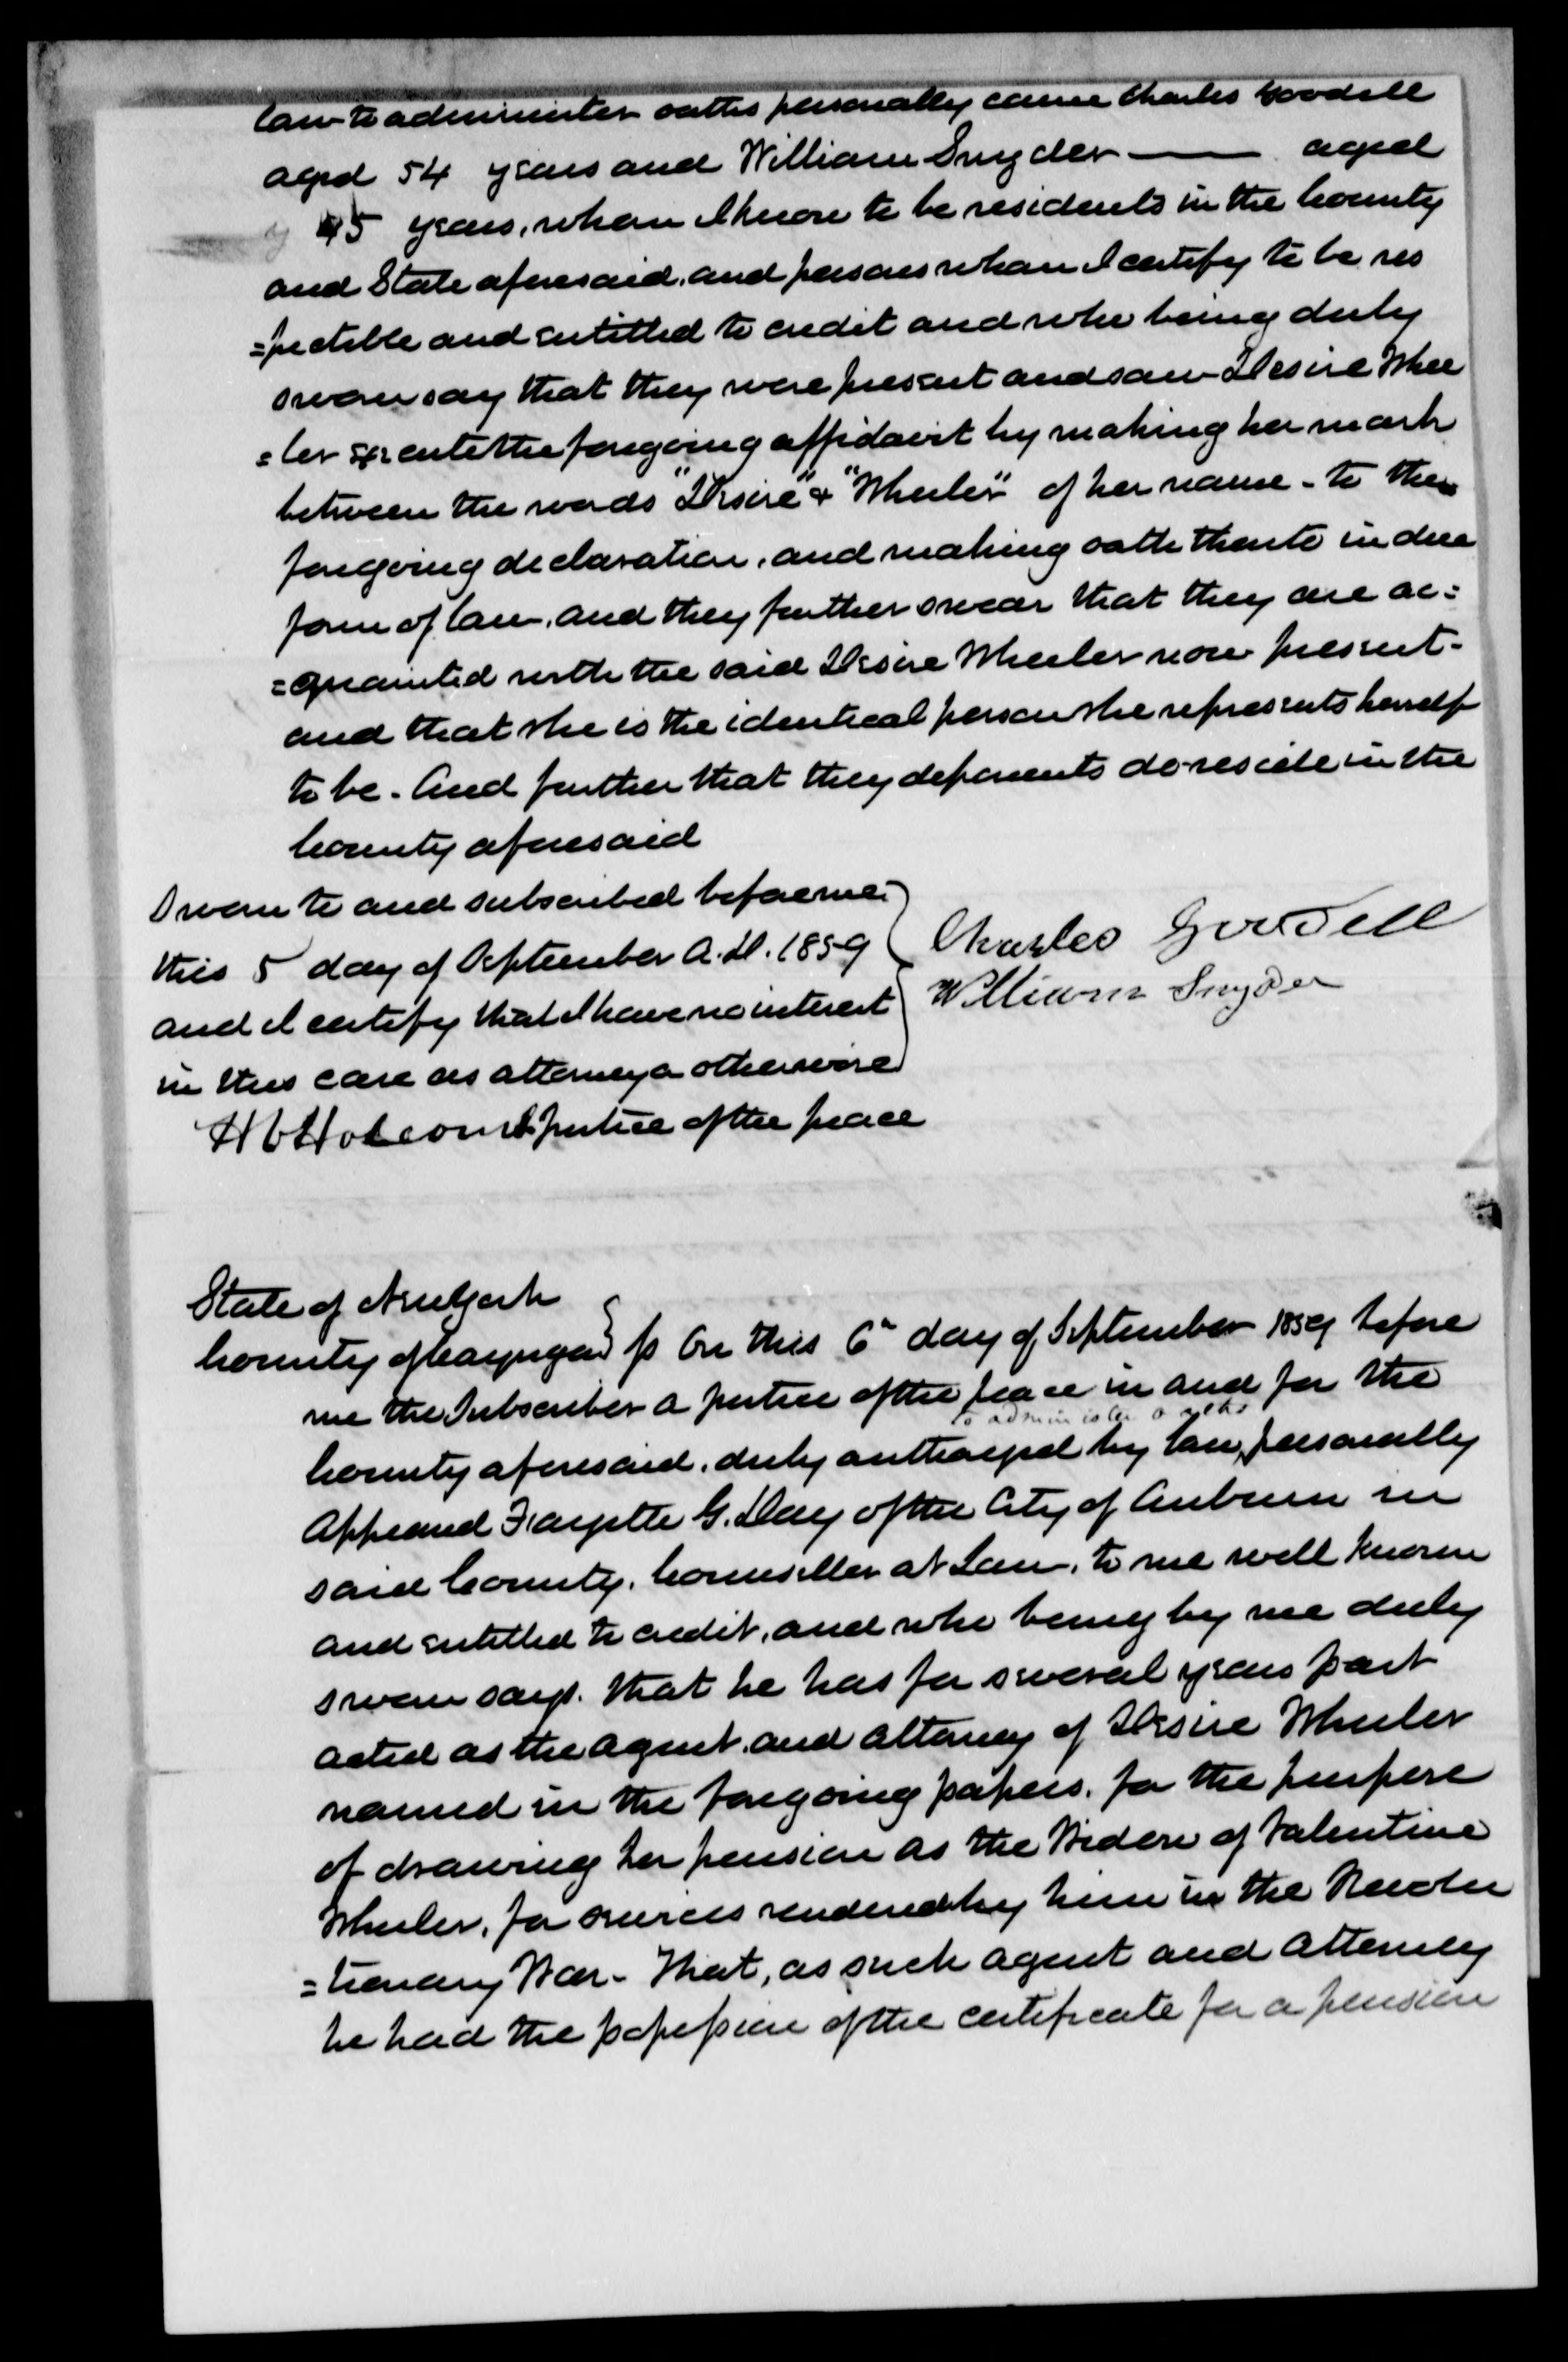law to administer oaths personally came Charles Goodell aged 54 years and William Snyder aged 45 years, whom I know to be residents in the County and State aforesaid and persons whom I certify to be respectable and entitled to credit and who being duly sworn say that they were present and saw Desire Wheeler execute the foregoing affidavit by making her mark between the words "Desire and Wheeler" of her nama to the foregoing declatration and making oath thereto in due form of law and they further swear that they are acquainted with the said Desire Wheeler now present and that she is the identical person she represents herself to be. And further that they deponents do reside in the County aforesaid.
Charles Goodell
William Snyder
Sworn to and subscribed before me this 5 day of September A. D. 1859 and I certify that I have no interest in this case as attorney or otherwise.
H. V. Holecomb Justice of the peace

State of New York
County of Cayuga ss
On this 6th day of September 1859 before me the subscriber a Justice of the peace in and for the County aforesaid, duly authorized by law, ^to administer oaths^personally appeared Fayette G. Day of the City of Auburn in said County, Counsellor at Law, to me well known and entitled to credit, and who being by me duly sworn says that he has for several years past acted as the agent and attorney of Desire Wheeler named in the foregoing papers for the purpose of drawing her pension as the widow of Valentine Wheeler for services rendered by him in the Revolutionary War. that as such agent and attorney he had the possession of the certificate for a pension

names: H V Holcomb, Fayette G Day, Desire Wheeler, William Snyder, Valentine Wheeler, Charles Goodell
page: 97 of 98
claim: widow's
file: W. 1682, Valentine Wheeler, Mass.